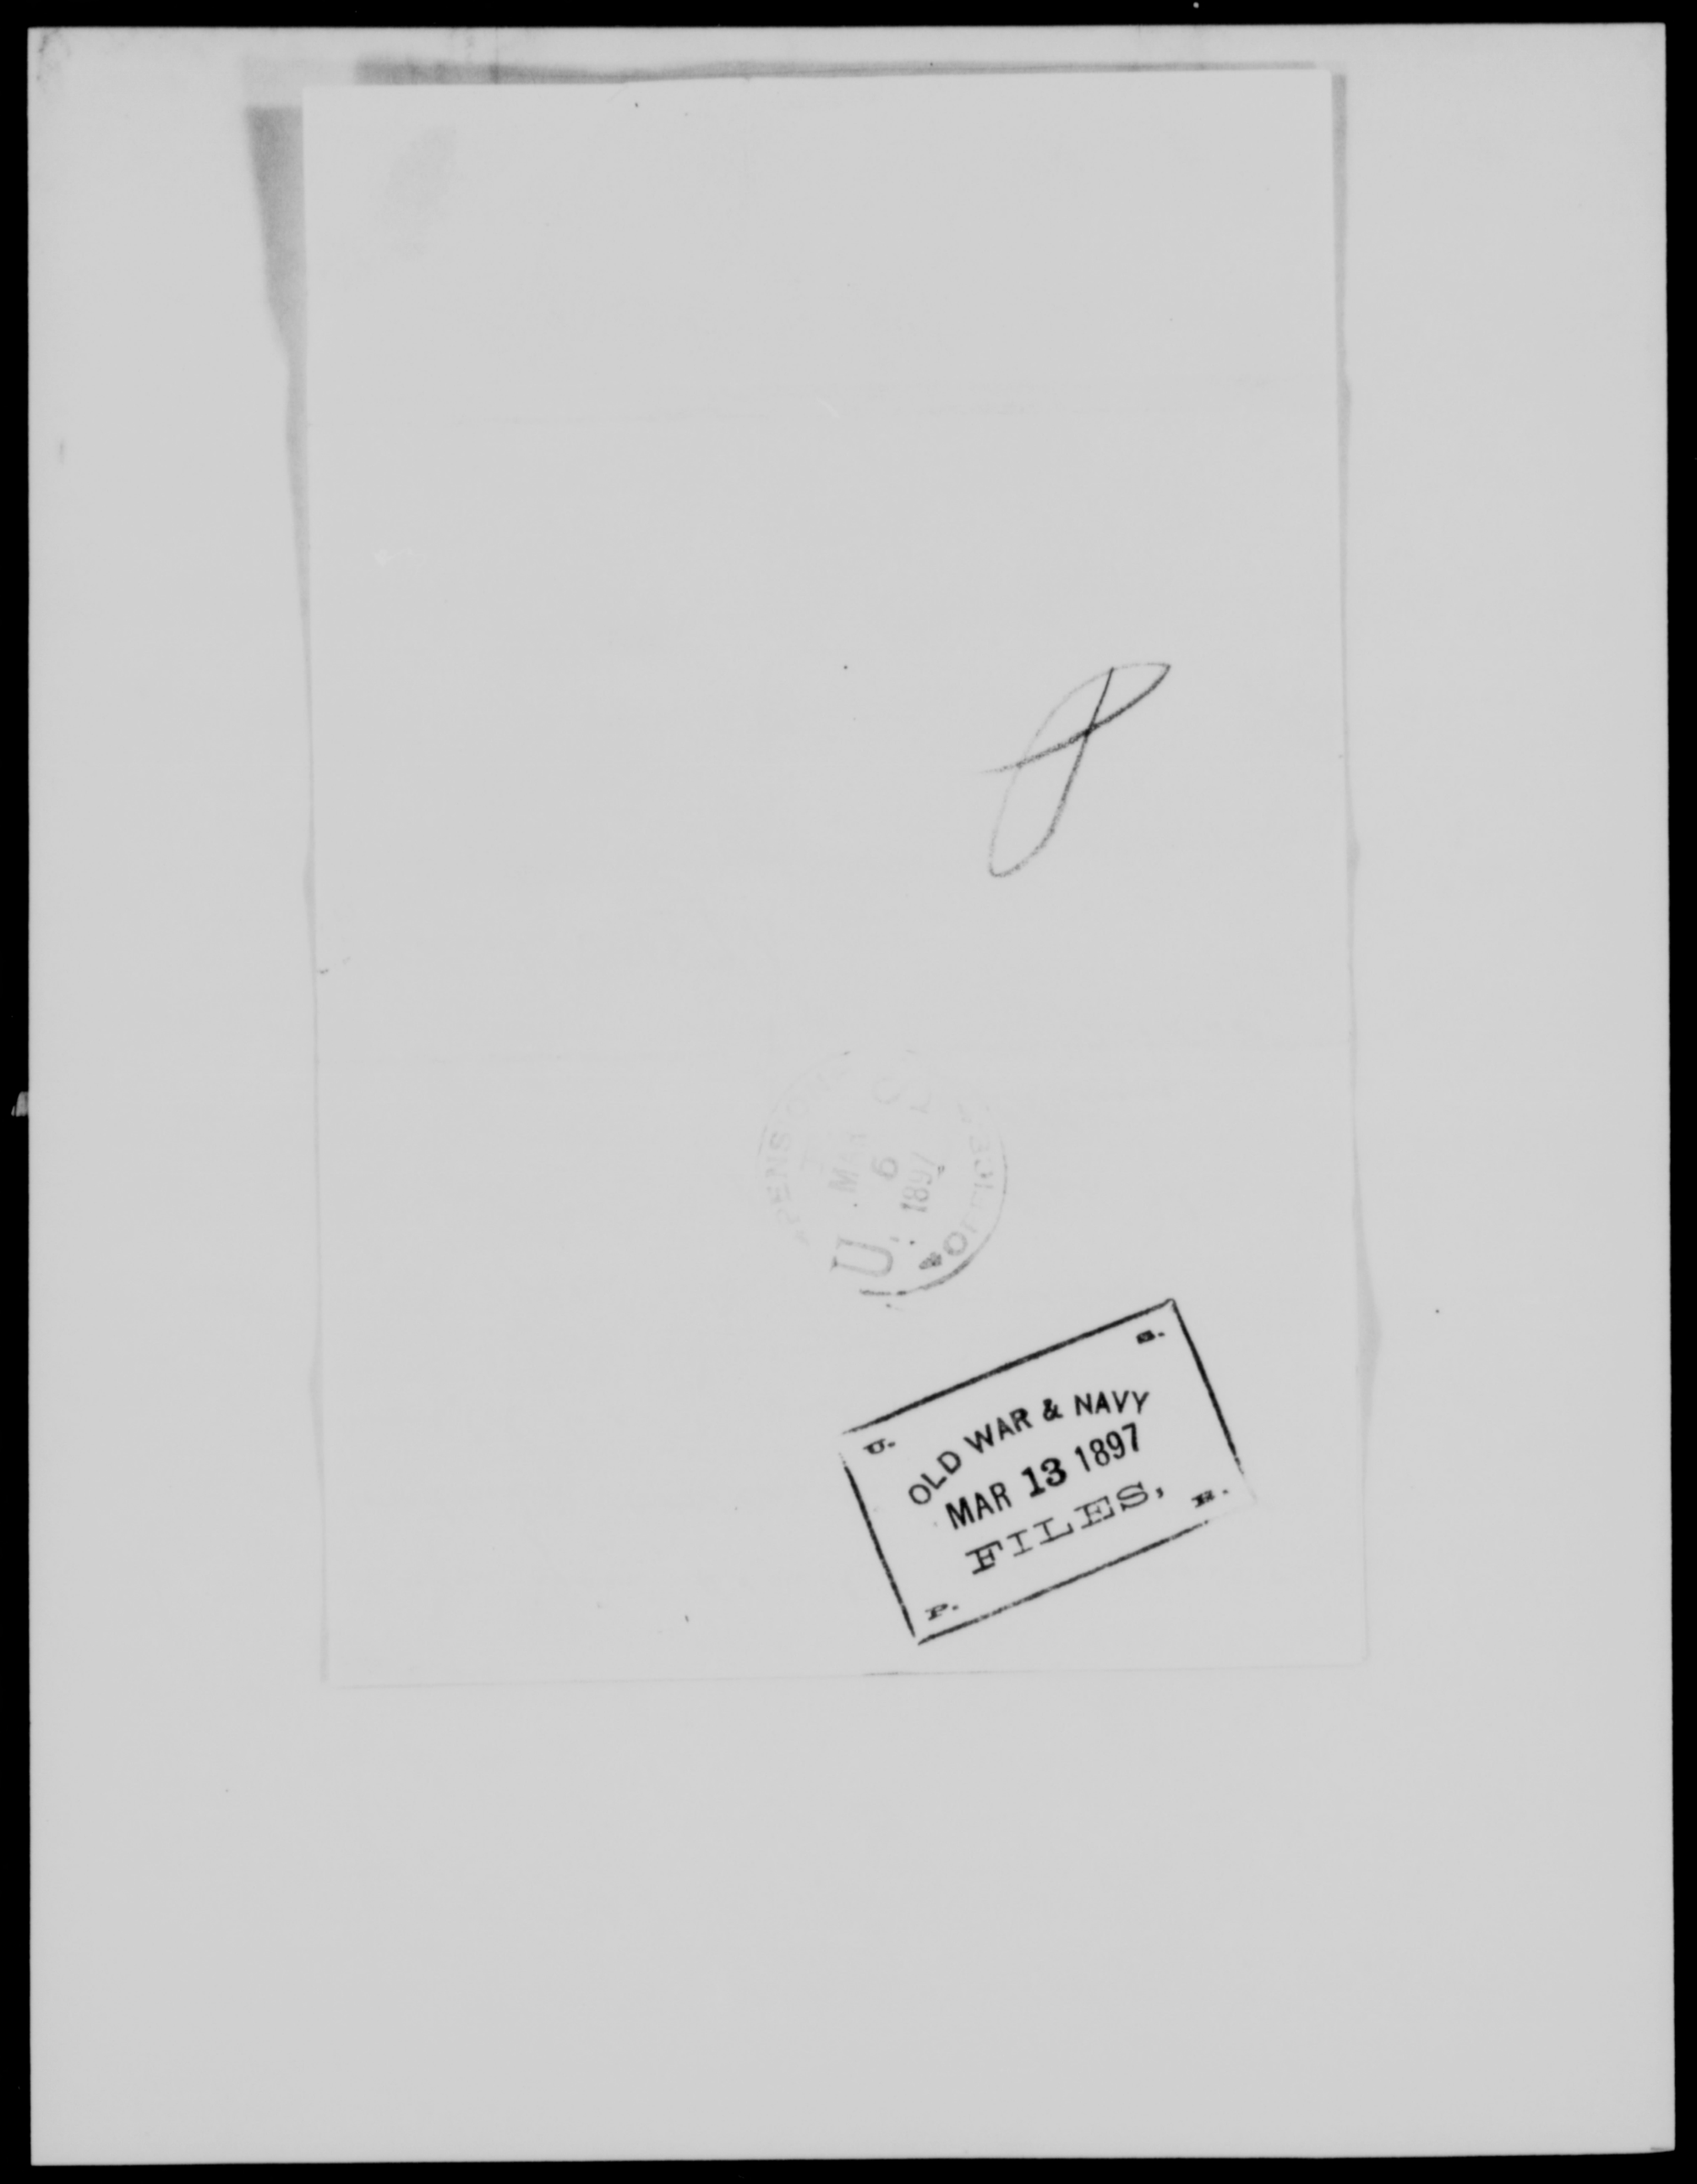[STAMP - in Circle]

(Illegible)


[STAMP - in Rectangle]

OLD WAR & NAVY
MAR 13 1897
FILES.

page: 19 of 34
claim: survivor's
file: S. 41337, Jared Wilcox, Continental Mass.